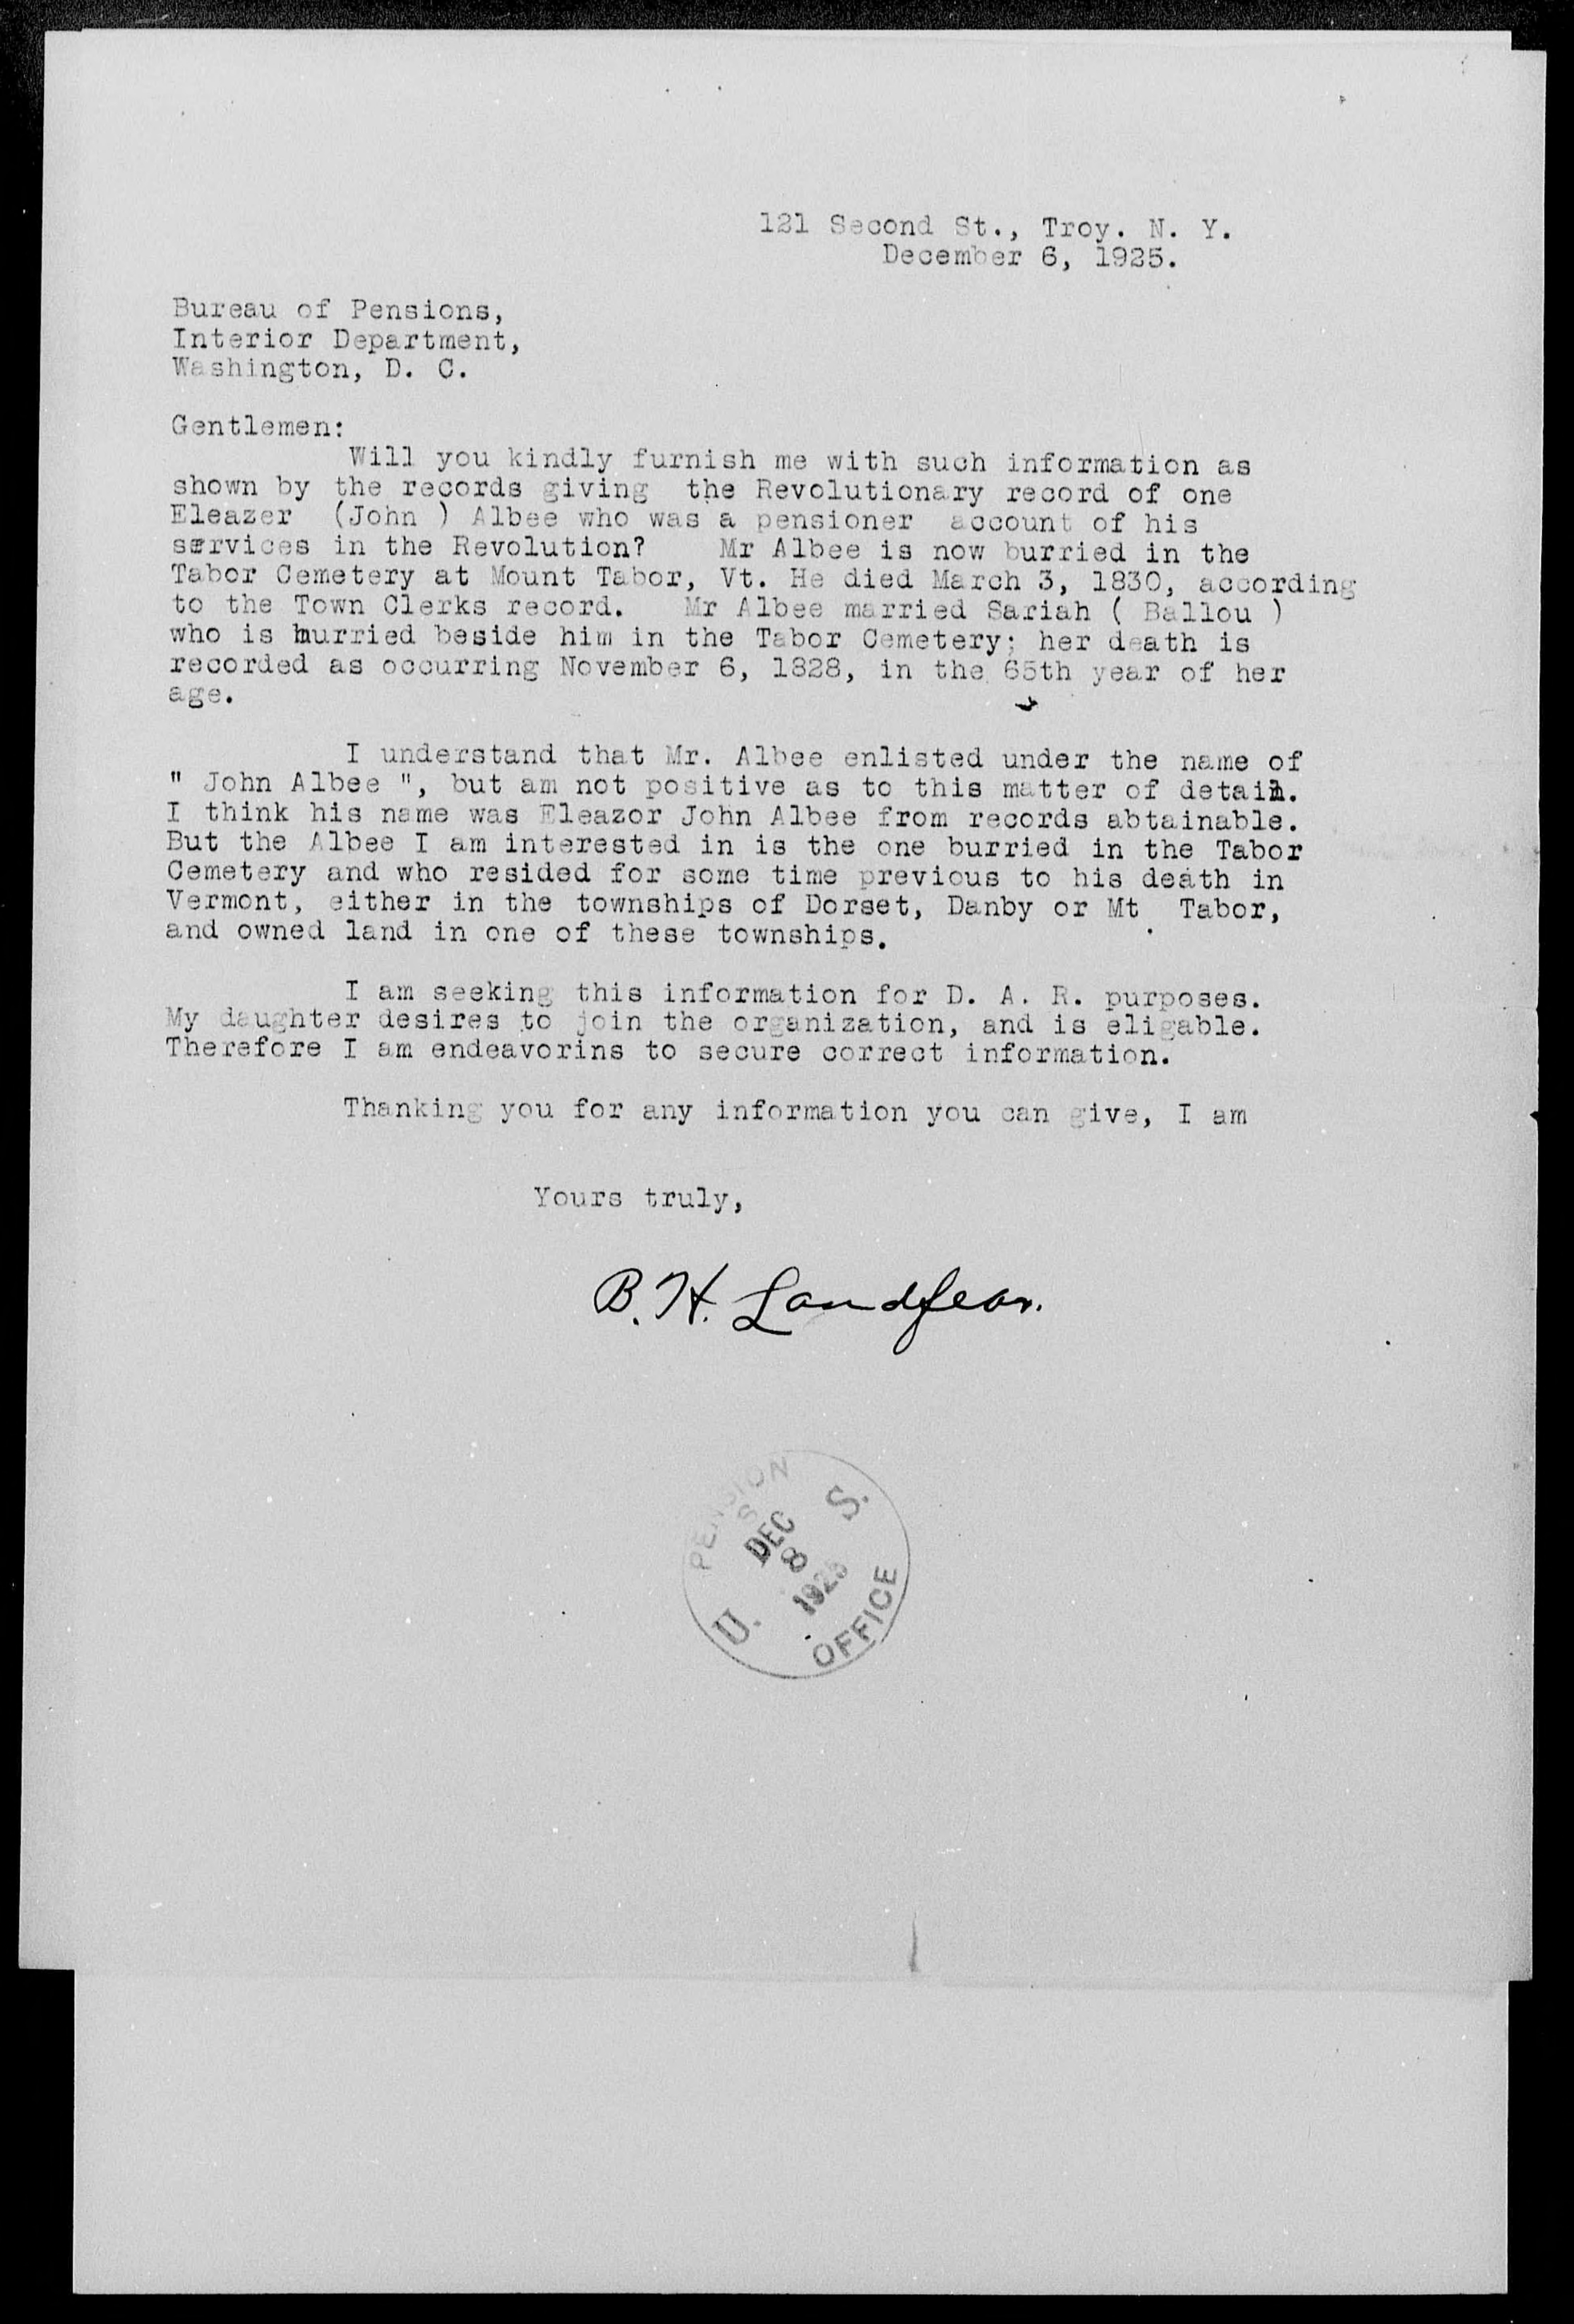12 Second St., Troy, N.Y.
December 6, 1925

Bureau of Pension,
Interior Department,
Washington, D.C.

Gentlemen:

Will you kindly furnish me with such information as shown by the records giving the Revolutionary record of one Eleazer (John) Albee who was a pensioner account of his services in the Revolution?  Mr. Albee is now buried in the Tabor Cemetery at Mount Tabor, Vt. He died March 3, 1830, according to the Town Clerks record.  Mr. Albee married Sariah (Ballou) who is buried beside him in the Tabor Cemetery; her death is recorded as occurring November 6,1828, in the 65th year of her age.

I understand that Mr. Albee enlisted under the name of "John Albee", but am not positive as to this matter of detail.  I think his name was Eleazor John Albee from records attainable. But the Albee I am interested in is the one buried in the Tabor Cemetery and who resided for some time previous to his death in Vermont, either in the townships of Dorset, Danby, or Mt. Tabor, and owned land in one of these townships.

I am seeking this information for D.A.R. purposes. My daughter desires to join the organization, and is eligible.  Therefore, I am endeavoring to secure correct information.

Thanking you for any information you can give, I am, 

Yours truly,

B.H. Landfear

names: Albee, Sariah Ballou, Eleazer Albee, Albee, Albee, John Albee, Eleazor John Albee, B H Landfear, Albee, John Albee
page: 24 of 29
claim: survivor's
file: S 41404, Eleazer John Albee, Mass. Privateer